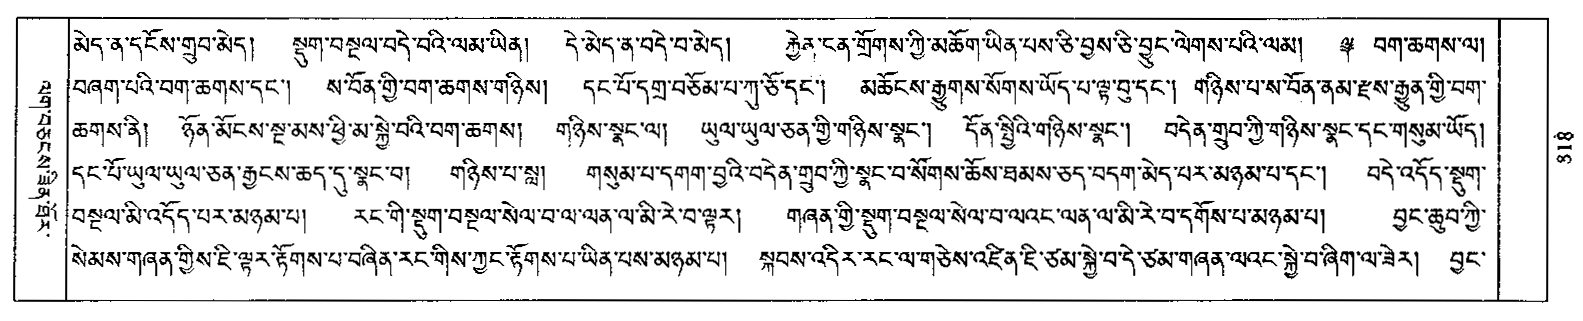མེད་ན་དངོས་གྲུབ་མེད། སྡུག་བསྔལ་བདེ་བའི་ལམ་ཡིན། དེ་མེད་ན་བདེ་བ་མེད། རྐྱེན་ངན་གྲོགས་ཀྱི་མཆོག་ཡིན་པས་ཅི་བྱས་ཅི་བྱུང་ལེགས་པའི་ལམ། ༈ བག་ཆགས་ལ།
བཞག་པའི་བག་ཆགས་དང་། ས་བོན་གྱི་བག་ཆགས་གཉིས། དང་པོ་དགྲ་བཅོམ་པ་ཀུ་ཅོ་དང་། མཆོངས་རྒྱུགས་སོགས་ཡོད་པ་ལྟ་བུ་དང་། གཉིས་པ་ས་བོན་ནམ་རྫས་རྒྱུན་གྱི་བག་
ཆགས་ནི། ཉོན་མོངས་སྔ་མས་ཕྱི་མ་སྐྱེ་བའི་བག་ཆགས། གཉིས་སྣང་ལ། ཡུལ་ཡུལ་ཅན་གྱི་གཉིས་སྣང་། དོན་སྤྱིའི་གཉིས་སྣང་། བདེན་གྲུབ་ཀྱི་གཉིས་སྣང་དང་གསུམ་ཡོད།
དང་པོ་ཡུལ་ཡུལ་ཅན་རྒྱངས་ཆད་དུ་སྣང་བ། གཉིས་པ་སླ། གསུམ་པ་དགག་བྱའི་བདེན་གྲུབ་ཀྱི་སྣང་བ་སོགས་ཆོས་ཐམས་ཅད་བདག་མེད་པར་མཉམ་པ་དང་། བདེ་འདོད་སྡུག་
བསྔལ་མི་འདོད་པར་མཉམ་པ། རང་གི་སྡུག་བསྔལ་སེལ་བ་ལ་ལན་ལ་མི་རེ་བ་ལྟར། གཞན་གྱི་སྡུག་བསྔལ་སེལ་བ་ལའང་ལན་ལ་མི་རེ་བ་དགོས་པ་མཉམ་པ། བྱང་ཆུབ་ཀྱི་
སེམས་གཞན་གྱིས་ཇི་ལྟར་རྟོགས་པ་བཞིན་རང་གིས་ཀྱང་རྟོགས་པ་ཡིན་པས་མཉམ་པ། སྐབས་འདིར་རང་ལ་གཅེས་འཛིན་ཇི་ཙམ་སྐྱེ་བ་དེ་ཙམ་གཞན་ལའང་སྐྱེ་བ་ཞིག་ལ་ཟེར། བྱང་